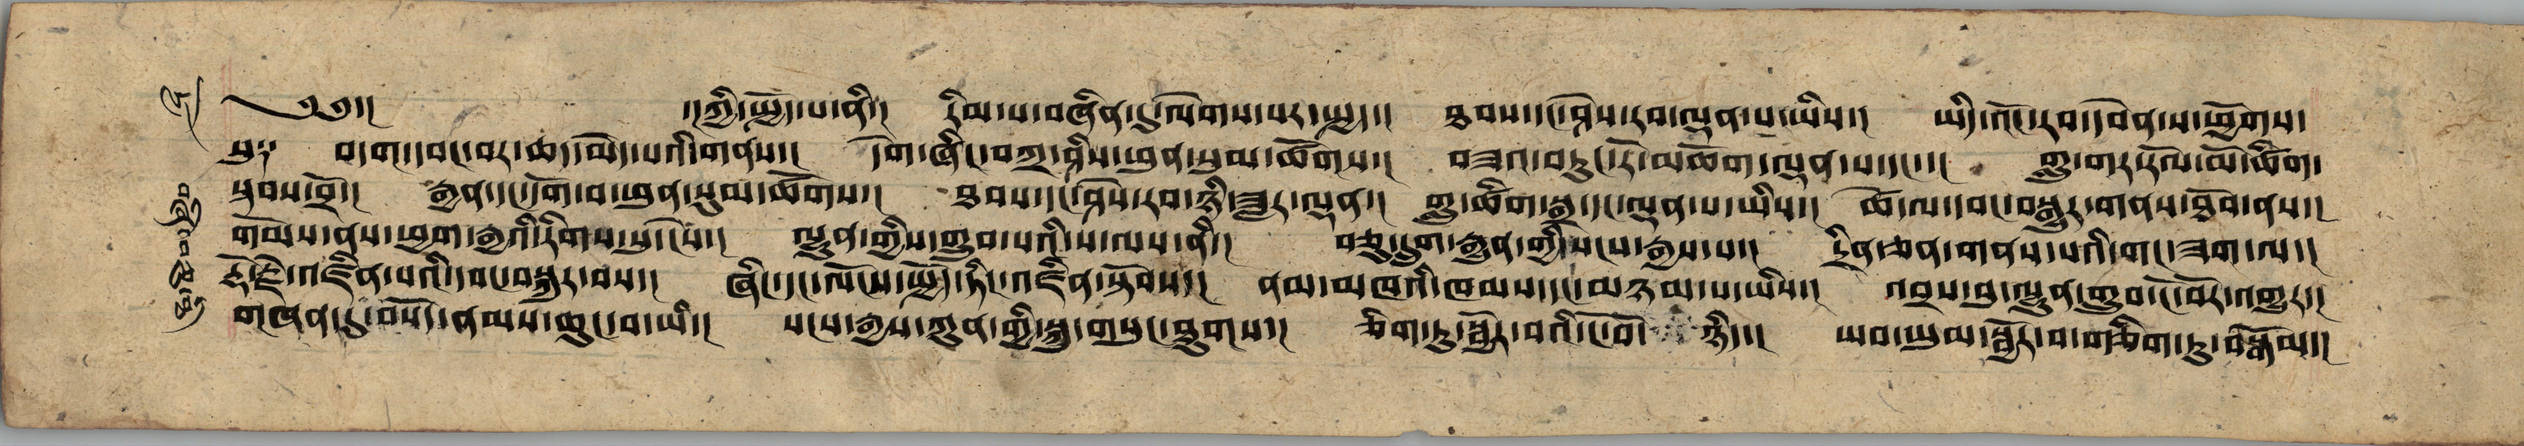༄༅་། ་།ཀྱི་སྤྱོད་པ་ནི་། རིམ་པ་བཞིན་དུ་ལེགས་པར་སྤྱད་། ཐབས་དང་ཤེས་རབ་ལྡན་པ་ཡིས་། ཡིད་འོང་རབ་དབེན་ས་ཕྱོགས་
སུ༑ བདག་དབང་བར་ཆད་མེད་པའི་གནས་། དགེ་ཞིང་བཀྲ་ཤིས་ཕུན་སུམ་ཚོགས་། བཟའ་བཏུང་རོ་མཆོག་ལྡན་པ་དང་་། གླུ་གར་རོལ་མོ་ཚིག་
སྟབས་བྲོ་། རྒྱན་དང་དགེ་བ་ཕུན་སུམ་ཚོགས་། ཐབས་དང་ཤེས་རབ་ཉི་ཟླར་ལྡན་། གླུ་ཚིག་སྒྲ་དང་ལྡན་པ་ཡིས་། ཚེ་ལ་དབང་བསྒྱུར་གནས་ཐོབ་ནས་།
གོམས་ནས་ཕྱག་རྒྱའི་རིགས་སུ་ངེས་། ལྷུན་གྱིས་གྲུབ་པའི་ས་ལས་ནི་། བཅུ་དྲུག་རྒྱུན་གྱི་སངས་རྒྱས་པ་། དྲིན་ཅན་གནས་པའི་གང་ཟག་ལ་།
རྡོ་རྗེ་འཛིན་པའི་དབང་བསྐུར་བས་། ཞིང་དང་ལོངས་སྤྱོད་ཏིང་འཛིན་སྟོབས་། ནམ་མཁའི་ཁམས་དང་མཉམ་པ་ཡིས་། འབྲས་བུ་ལྷུན་གྲུབ་ངོ་བོར་འགྱུར་།
གཞན་དུ་བསོད་ནམས་ཆུང་བ་ཡི་། སངས་རྒྱས་ཀུན་གྱི་སྐུ་གསུང་ཐུགས་། ཅིག་ཏུ་སྦྱོར་བའི་ངོ་བོ་ ཉིད་། ཡབ་ཡུམ་སྦྱོར་བ་གཅིག་ཏུ་བསྒོམ་།